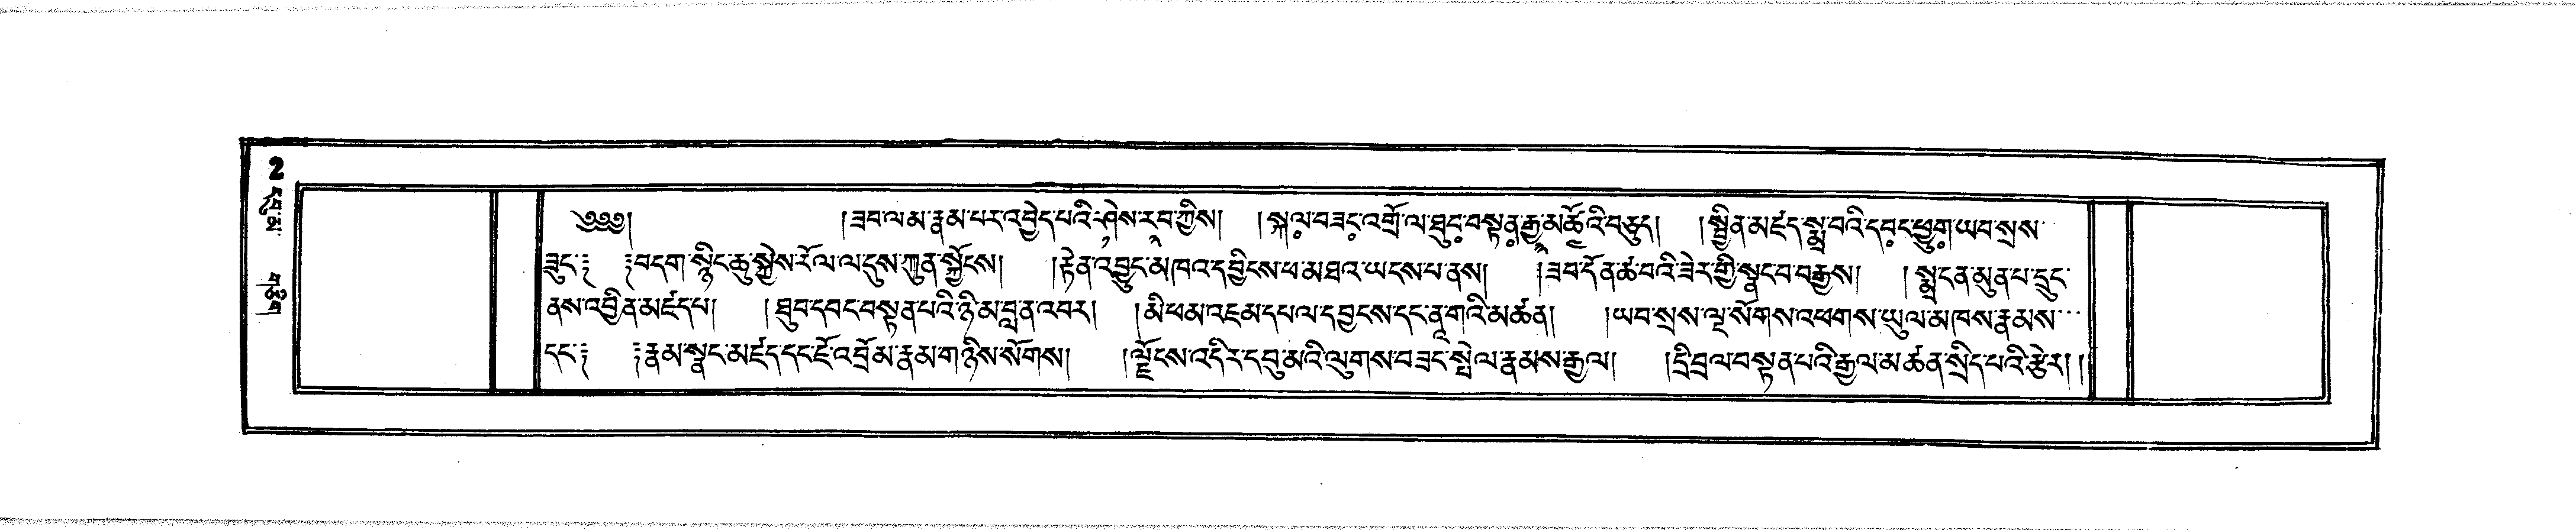༄༅། །ཟབ་ལམ་རྣམ་པར་འབྱེད་པའི ༡་ཤེས་རབ ༢་ཀྱིས། །སྐལ་བཟང་འགྲོ་ལ་ཐུབ྾་བསྟན྾་རྒྱ ༣་མཚོའི ༤་བཅུད། །སྦྱིན་མཛད་སྨྲ་བའི་དབང་ཕྱུག་ཡབ་སྲས་
ཟུང༑ ༑བདག་སྙིང་ཆུ་སྐྱེས་རོལ་ལ་དུས་ཀུན་སྐྱོངས། །རྟེན་འབྱུང་མཁའ་དབྱིངས་ཕ་མཐའ་ཡངས་པ་ནས། །ཟབ་དོན་ཚ་བའི་ཟེར་གྱི་སྣང་བ་བརྒྱས། །སྨྲ་ངན་མུན་པ་དྲུང་
ནས་འབྱིན་མཛད་པ། །ཐུབ་དབང་བསྟན་པའི་ཉི་མ་བླ་ན་འབར། །མི་ཕམ་འཇམ་དཔལ་དབྱངས་དང་ནཱ་གའི་མཚན། །ཡབ་སྲས་ལྔ་སོགས་འཕགས་ཡུལ་མཁས་རྣམས་
དང༑ ༑རྣམ་སྣང་མཛད་དང་ཇོ་འབྲོམ་རྣམ་གཉིས་སོགས། །ལྗོངས་འདིར་དབུ་མའི་ལུགས་བཟང་སྤེལ་རྣམས་རྒྱལ། །དྲི་བྲལ་བསྟན་པའི་རྒྱལ་མཚན་སྲིད་པའི་རྩེར། །